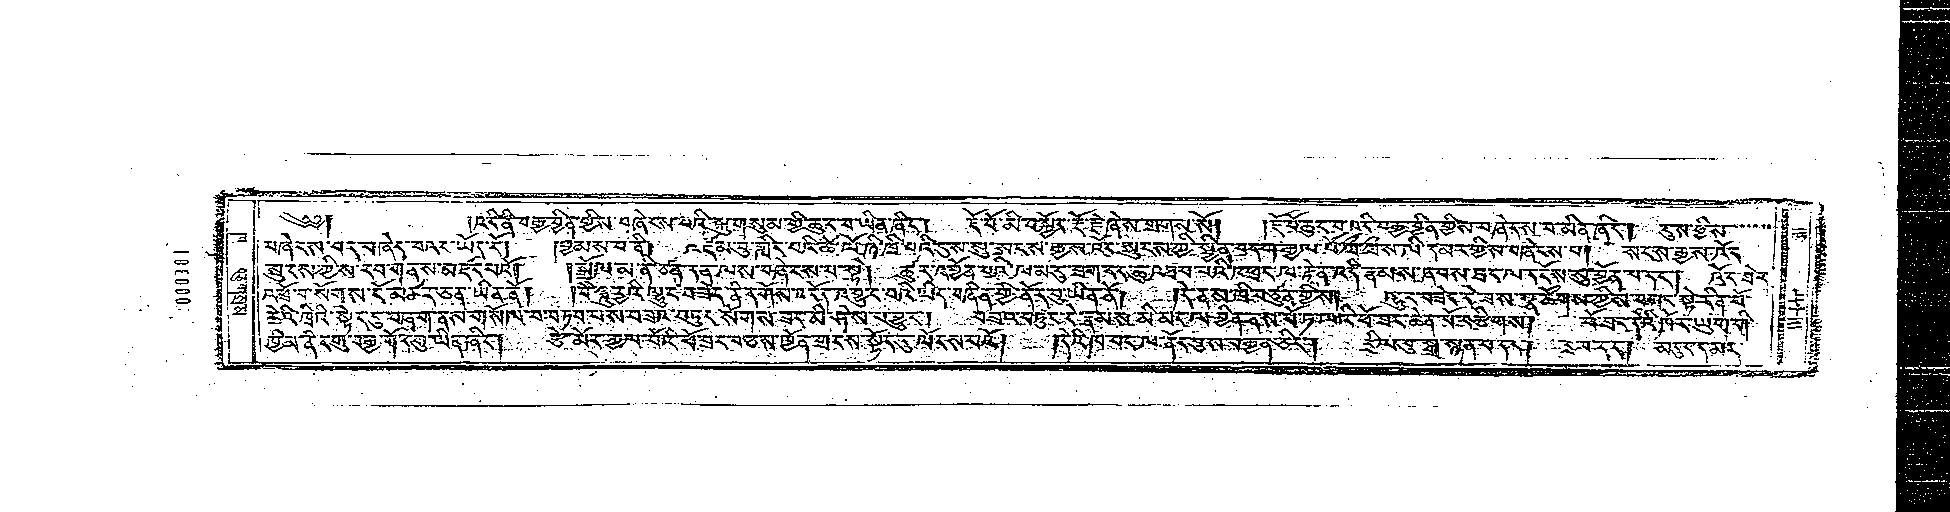༄༅། །འདི་ནི་བརྒྱ་བྱིན་གྱིས་བཞེངས་པའི་སྐུ་གསུམ་གྱི་ཆུང་བ་ཡིན་ཞིང་། ཇོ་བོ་མི་བསྐྱོད་རྡོ་རྗེ་ཞེས་གྲགས་སོ། །ཇོ་བོ་ཆུང་བ་འདི་བརྒྱ་བྱིན་གྱིས་བཞེངས་པ་མིན་ཞིང་། དུས་ཕྱིས་
བཞེངས་པར་བཞེད་བའང་ཡོད་དོ། །བྱམས་པ་ནི། འཛམ་བུ་གླིང་བའི་ཚེ་ལོ་ཉི་ཁྲི་པའི་དུས་སུ་སངས་རྒྱས་འོད་སྲུངས་ཀྱི་སྦྱིན་བདག་རྒྱལ་པོ་ཀྲྀ་ཀྲྀས་ལི་དམར་གྱིས་བཞེངས་པ། སངས་རྒྱས་འོད་
སྲུངས་ཀྱིས་དབ་གནས་མཛད་པའོ། །སྒྲོལ་མ་ནི་ཙན་དན་ལས་བཞེངས་པ་སྟེ། ཚུར་འབྱོན་པའི་ལམ་དུ་བྲག་དང་ཆུ་འཐབ་པའི་འཕྲང་ལ་རྟེན་འདི་རྣམས་ཞབས་ཐད་ལ་དངོས་སུ་བྱོན་པ་དང་། འོད་ཟེར་
འཕྲོ་བ་སོགས་ངོ་མཚར་ཅན་ཡིན་ནོ། །བཻཉཱུརྱའི་ལྷུང་བཟེད་ནི་དགོས་འདོད་འབྱུང་བའི་ཡིད་བཞིན་གྱི་ནོར་བུ་ཡིན་ནོ། །དེ་ནས་ཁྲི་བཙུན་གྱིས། ལྷུང་བཟེད་དེ་ཟས་སྣ་ཚོགས་ཀྱིས་བཀང་སྟེ་རིན་པོ་
ཆེའི་ཁྲིའི་སྟེང་དུ་བཞག་ནས་གསོལ་བ་བཏབ་པས་བཟའ་བཏུང་སོགས་ཟད་མི་ཤེས་པ་བྱུང་། བཟའ་བཏུང་དེ་རྣམས་མི་མང་ལ་བྱིན་ནས་པོ་ཏ་ལའི་ཕོ་བྲང་ཆེན་པོ་བརྩིགས། ཕོ་བྲང་དེའི་ཁོར་ཡུག་གི་
ཁྱིམ་ནི་དགུ་བརྒྱ་གོ་དགུ་ཡིན་ཞིང་། རྩེ་མོར་རྒྱལ་པོའི་ཕོ་བྲང་བཅས་ཁྱོན་གྲངས་སྟོང་དུ་ལོངས་པའོ། །དེའི་ཁ་པང་ལ་ནོར་བུས་བརྒྱན་ཅིང་། དྲིལ་བུ་སྒྲ་སྙན་པ་དང་། དྲ་བ་དང་། མདུང་དམར་